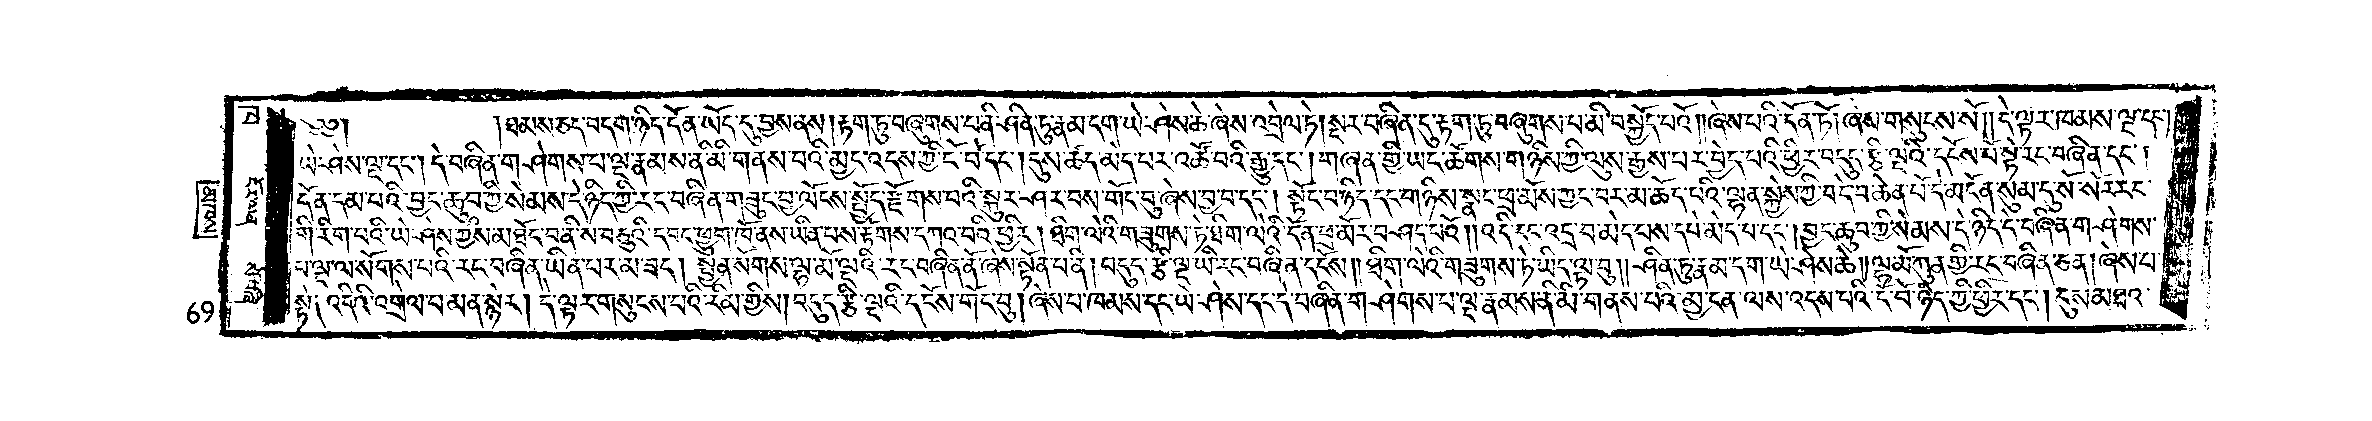༄༅། །ཐམས་ཅད་བདག་ཉིད་དོན་ཡོད་དུ་བྱས་ནས། རྟག་ཏུ་བཞུགས་པ་ནི་ཤིན་ཏུ་རྣམ་དག་ཡེ་ཤེས་ཆེ་ཞེས་འབྲེལ་ཏེ། སྔར་བཞིན་དུ་རྟག་ཏུ་བཞུགས་པ་མི་བསྐྱོད་པའོ། །ཞེས་པའི་དོན་ཏོ། །ཞེས་གསུངས་སོ། །དེ་ལྟར་ཁམས་ལྔ་དང་།
ཡེ་ཤེས་ལྔ་དང་། དེ་བཞིན་གཤེགས་པ་ལྔ་རྣམས་ནི་མི་གནས་པའི་མྱང་འདས་ཀྱི་ངོ་བོ་དང་། དུས་ཚད་མེད་པར་འཚོ་བའི་རྒྱུ་དང་། གཞན་གྱི་ཡང་ཚོགས་གཉིས་ཀྱི་ལུས་རྒྱས་པར་བྱེད་པའི་ཕྱིར་རྩི་ལྔའི་དངོས་པོ་སྟེ་རང་བཞིན་དང་།
དོན་དམ་པའི་བྱང་ཆུབ་ཀྱི་སེམས་དེ་ཉིད་ཀྱི་རང་བཞིན་གཟུང་བྱ་ལོངས་སྤྱོད་རྫོགས་པའི་སྐུར་ཤར་བས་གོང་བུ་ཞེས་བྱ་བ་དང་། སྟོང་པ་ཉིད་དང་གཉིས་སྣང་ཕྲ་མོས་ཀྱང་བར་མ་ཆོད་པའི་ལྷན་སྐྱེས་ཀྱི་བདེ་བ་ཆེན་པོ་དེ་མངོན་སུམ་དུ་སོ་སོར་རང་
གི་རིག་པའི་ཡེ་ཤེས་ཀྱིས་མཐོང་བ་ནི་ས་བཅུའི་དབང་ཕྱུག་ཁོ་ནས་ཡིན་པས་རྟོགས་དཀའ་བའི་ཕྱིར། ཐིག་ལེའི་གཟུགས་ཏེ་ཐིག་ལེའི་དོན་ཕྲ་མོར་བཤད་པའོ། །འདི་དང་འདྲ་བ་མེད་པས་དཔེ་མེད་པ་དང་། བྱང་ཆུབ་ཀྱི་སེམས་དེ་ཉིད་དེ་བཞིན་གཤེགས་
པ་ལྔ་ལ་སོགས་པའི་རང་བཞིན་ཡིན་པར་མ་ཟད། སྤྱན་སོགས་ལྷ་མོ་ལྔའི་རང་བཞིན་ནོ་ཞེས་སྟོན་པ་ནི། བདུད་རྩི་ལྔ་ཡི་རང་བཞིན་དངོས། །ཐིག་ལེའི་གཟུགས་ཏེ་ཡིད་ལྟ་བུ། །ཤིན་ཏུ་རྣམ་དག་ཡེ་ཤེས་ཆོ། །ལྷ་མོ་ཀུན་གྱི་རང་བཞི་ཅན། ཞེས་པ་
སྟེ། འདིའི་འགྲེལ་བ་མན་སྙེར། དེ་ལྟར་གསུངས་པའི་རིམ་གྱིས། འདུད་རྩི་ལྔའི་དངོས་གོང་བུ། ཞེས་པ་ཁམས་དང་ཡེ་ཤེས་དང་དེ་བཞིན་གཤེགས་པ་ལྔ་རྣམས་ནི་མི་གནས་པའི་མྱ་ངན་ལས་འདས་པའི་ངོ་བོ་ཉིད་ཀྱི་ཕྱིར་དང་། དུས་མཐའ་